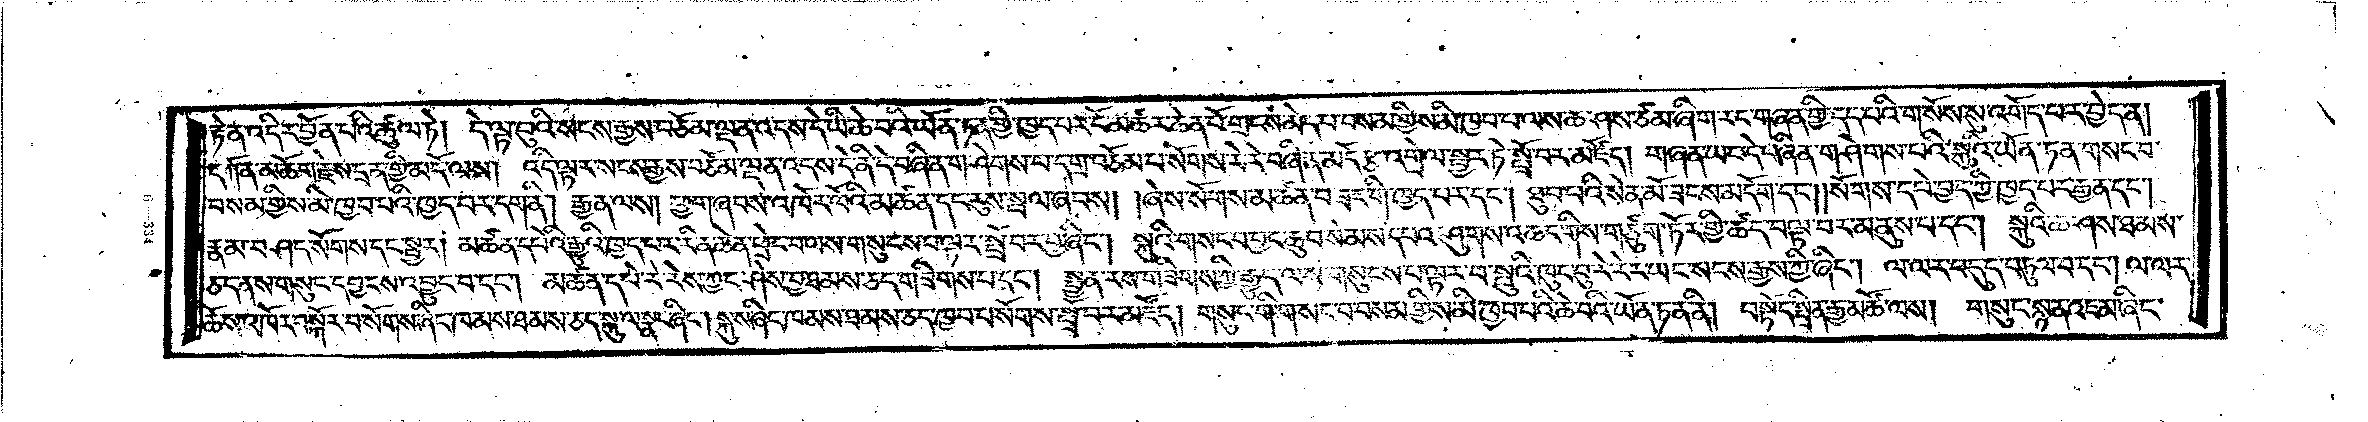རྟེན་འདིར་བྱོན་པའི་ཚུལ་ཏེ། དེ་ལྟ་བུའི་སངས་རྒྱས་བཅོམ་ལྡན་འདས་དེ་ཡི་ཆེ་བའི་ཡོན་ཏན་གྱི་ཁྱད་པར་ངོ་མཚར་ཆེན་པོ་གྲངས་མེད་པ་བསམ་གྱིས་མི་ཁྱབ་པ་ལས་ཆ་ཤས་ཙམ་ཞིག་རང་གཞན་གྱི་དད་པའི་ག་སོས་སུ་འགོད་པར་བྱེད་ན།
དཀོན་མཆོག་རྗེས་དྲན་གྱི་མདོ་ལས། འདི་ལྟར་སངས་རྒྱས་བཅོམ་ལྡན་འདས་དེ་ནི་དེ་བཞིན་གཤེགས་པ་དགྲ་བཅོམ་པ་སོགས་རེ་རེ་བཞིན་མདོ་ཙ་འགྲེལ་སྦྱར་ཏེ་སྤྲོ་བར་མཛོད། གཞན་ཡང་དེ་བཞིན་གཤེགས་པའི་སྐུའི་ཡོན་ཏན་གསང་བ་
བསམ་གྱིས་མི་ཁྱབ་པའི་ཁྱད་བར་དག་ནི། རྒྱན་ལས། ཕྱག་ཞབས་འཁོར་ལོའི་མཚན་དང་རུས་སྦལ་ཞབས། །ཞེས་སོགས་མཚན་བཟང་གི་ཁྱད་པར་དང་། ཐུབ་པའི་སེན་མོ་ཟངས་མདོག་དང་། །སོགས་དཔེ་བྱད་ཀྱི་ཁྱད་པར་རྒྱན་དང་།
རྣམ་བཤད་སོགས་དང་སྦྱར། མཚན་དཔེའི་རྒྱུའི་ཁྱད་པར་རིན་ཆེན་ཕྲེང་བ་ལས་གསུངས་པ་ལྟར་སྤྲོ་བར་བྱ་ཞིང་། སྐུའི་གསང་པ་བྱང་ཆུབ་སེམས་དཔའ་ཤུགས་འཆང་གིས་གཙུག་ཏོར་གྱི་ཚད་བལྟ་བར་མ་ནུས་པ་དང་། སྐུའི་ཆ་ཤས་ཐམས་
ཅད་ནས་གསུང་དབྱངས་འབྱུང་བ་དང་། མཚན་དཔེ་རེ་རེས་ཀྱང་ཤེས་བྱ་ཐམས་ཅད་གཟིགས་པ་དང་། སྤྱན་རས་གཟིགས་ཀྱི་རྒྱུད་ལས་གསུངས་པ་ལྟར་བ་སྦུའི་ཁུང་བུ་རེ་རེ་ར་ཡང་སངས་རྒྱས་ཀྱི་ཞིང་། ལ་ལར་བདུད་བཏུལ་བ་དང་། ལ་ལར་
ཆོས་འཁོར་བསྐོར་བ་སོགས་ཞིང་ཁམས་ཐམས་ཅད་སྐུ་ལ་སྣང་ཞིང་། སྐུས་ཞིང་ཁམས་ཐམས་ཅད་ཁྱབ་པ་སོགས་སྤྲོ་པར་མཛོད། གསུང་གི་གསང་པ་བསམ་གྱིས་མི་ཁྱབ་པའི་ཆེ་པའི་ཡོན་ཏན་ནི། བསྟོད་སྤྲིན་རྒྱ་མཚོ་ལས། གསུང་སྙན་འཇམ་ཞིང་